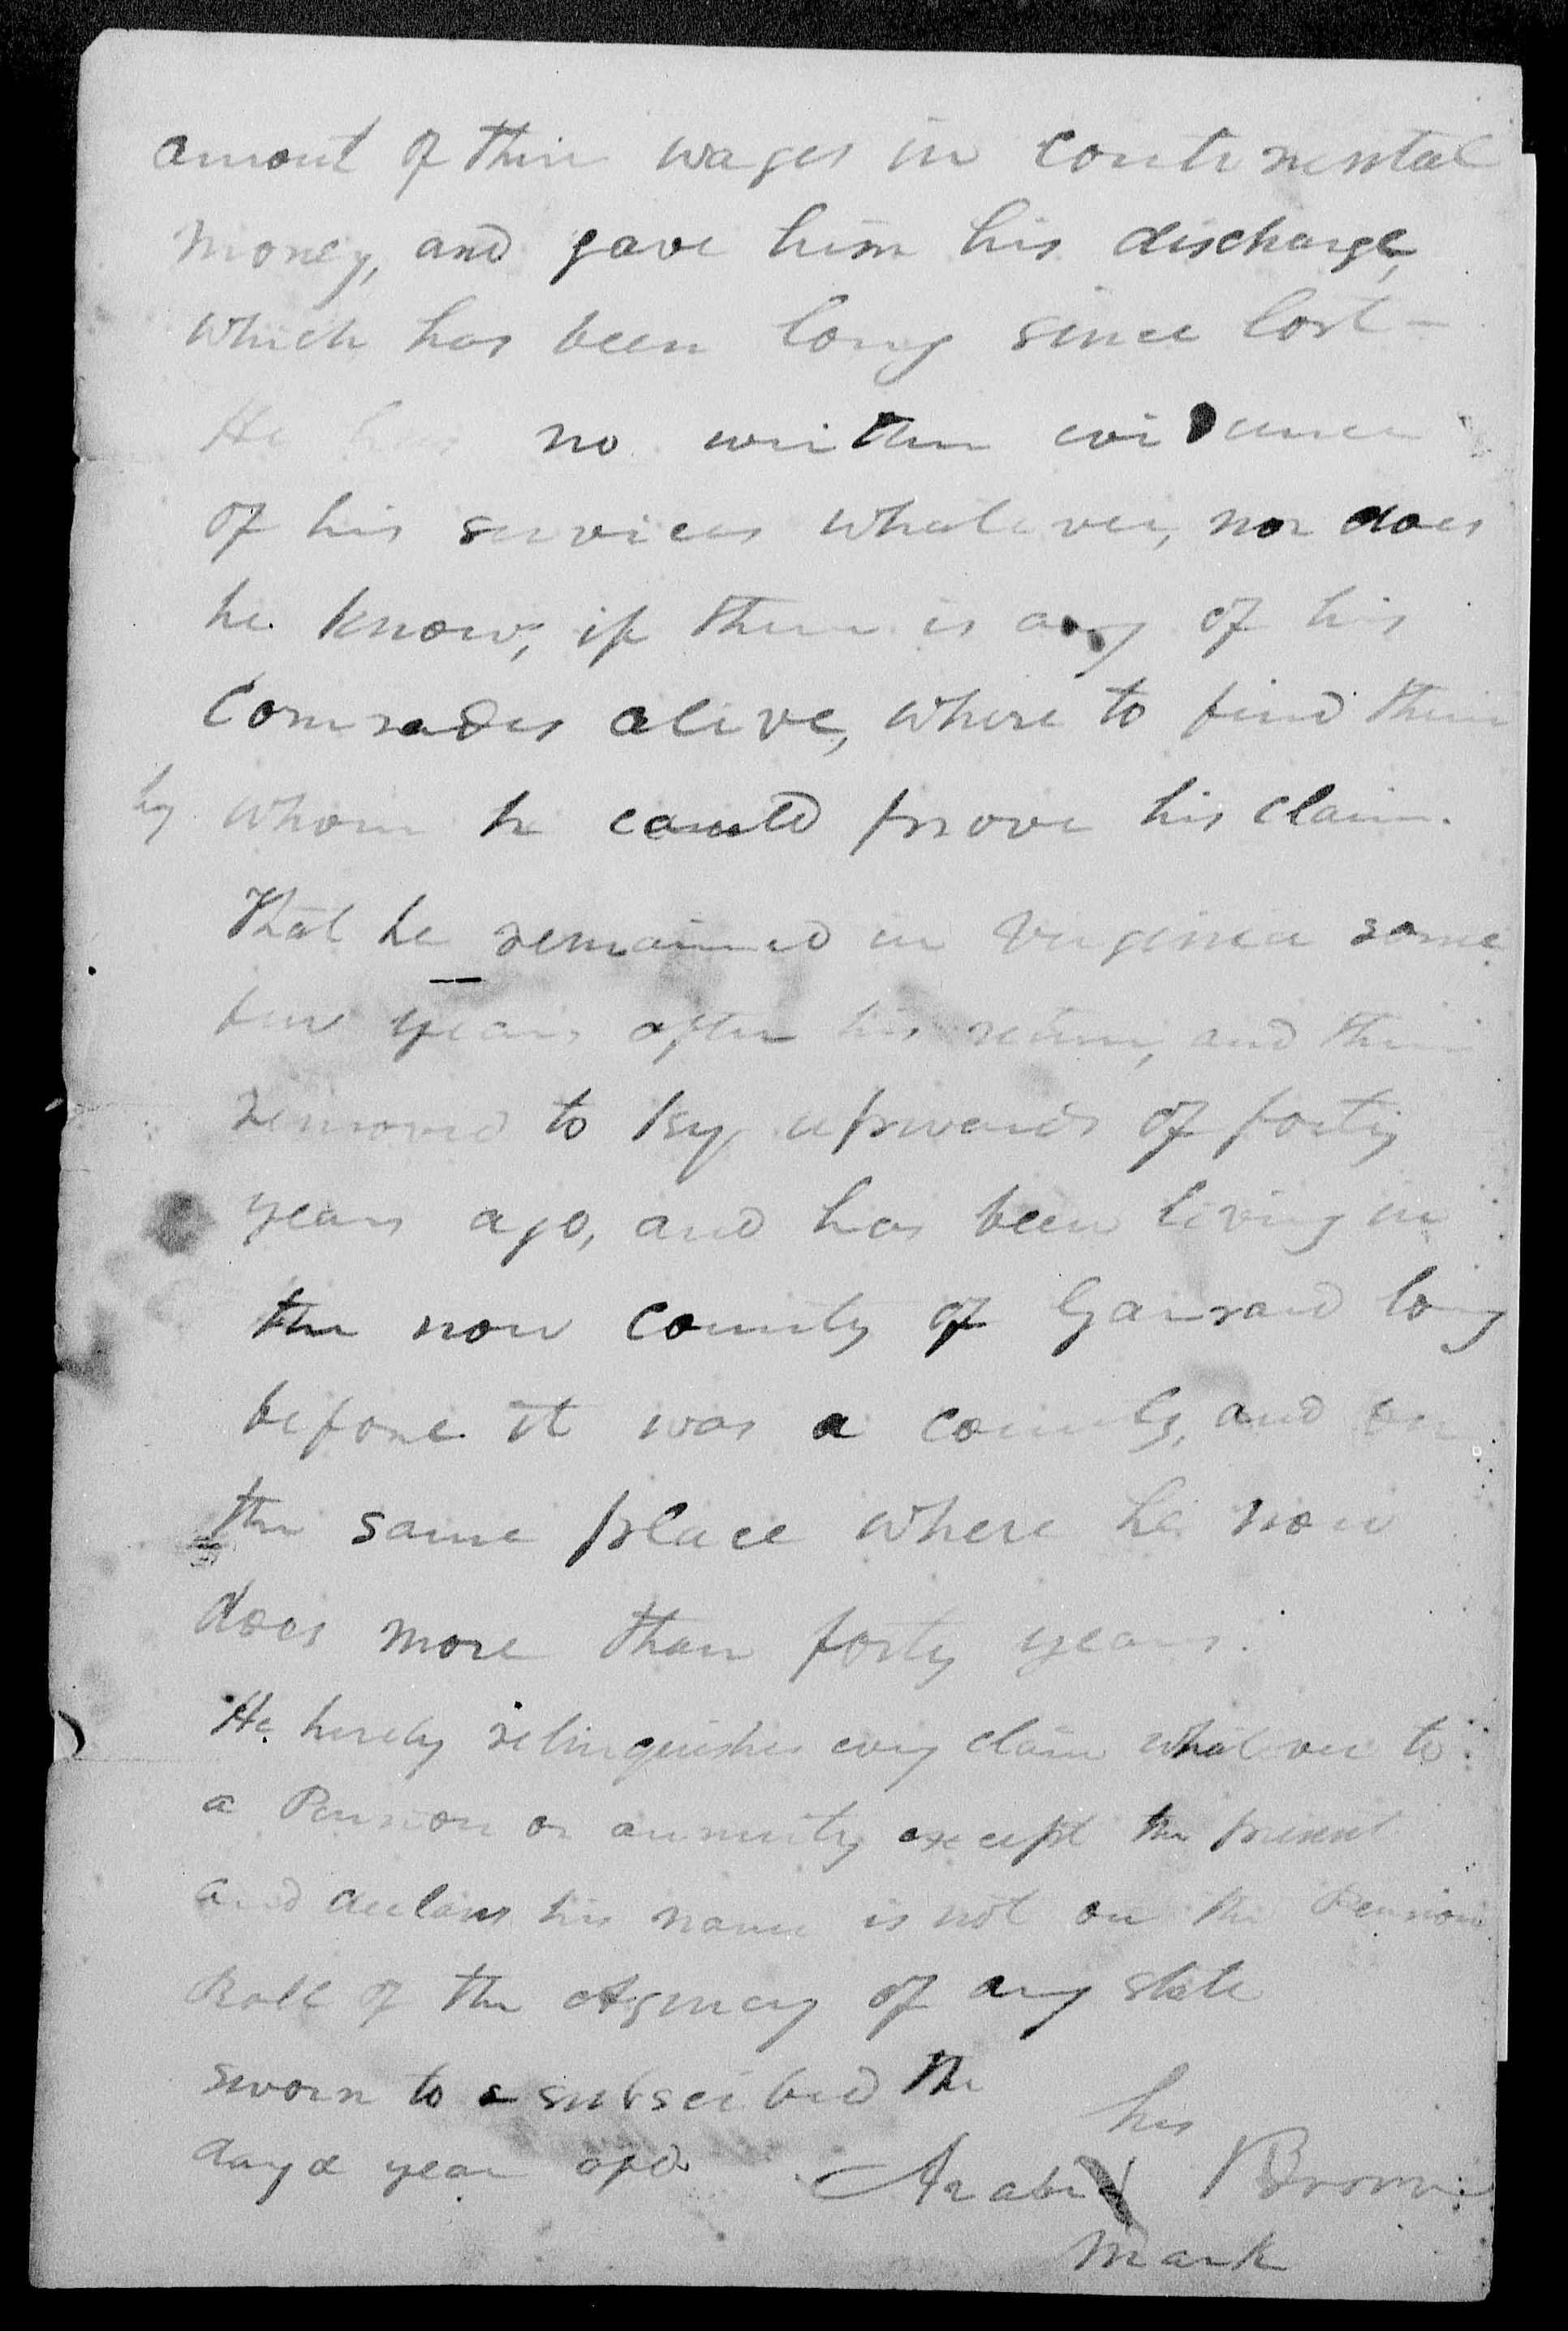around of their wages in Continental money and gave him his discharge which had been long since lost. He has no witness of his service whatsoever, nor does he know if there is any of his comrades alive, where to find them by whom he could prove his claim. That he remained in Virginia some ten years, after his return and then he moved to Ky upwards of forty years ago and has been living in the now county of Garrard long before it was county and on the same place where he now does more than forty years. He hereby relinquishes every claim whatsoever to a pension or annuity expect the present and declares his name is not on the pension roll of the Agency of any state.  Sworn to a subscribed 11 days year ago.
X his mark
 Arabia Brown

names: Arabia Brown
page: 9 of 65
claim: widow's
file: W. 8384, Arabia Brown, Va.